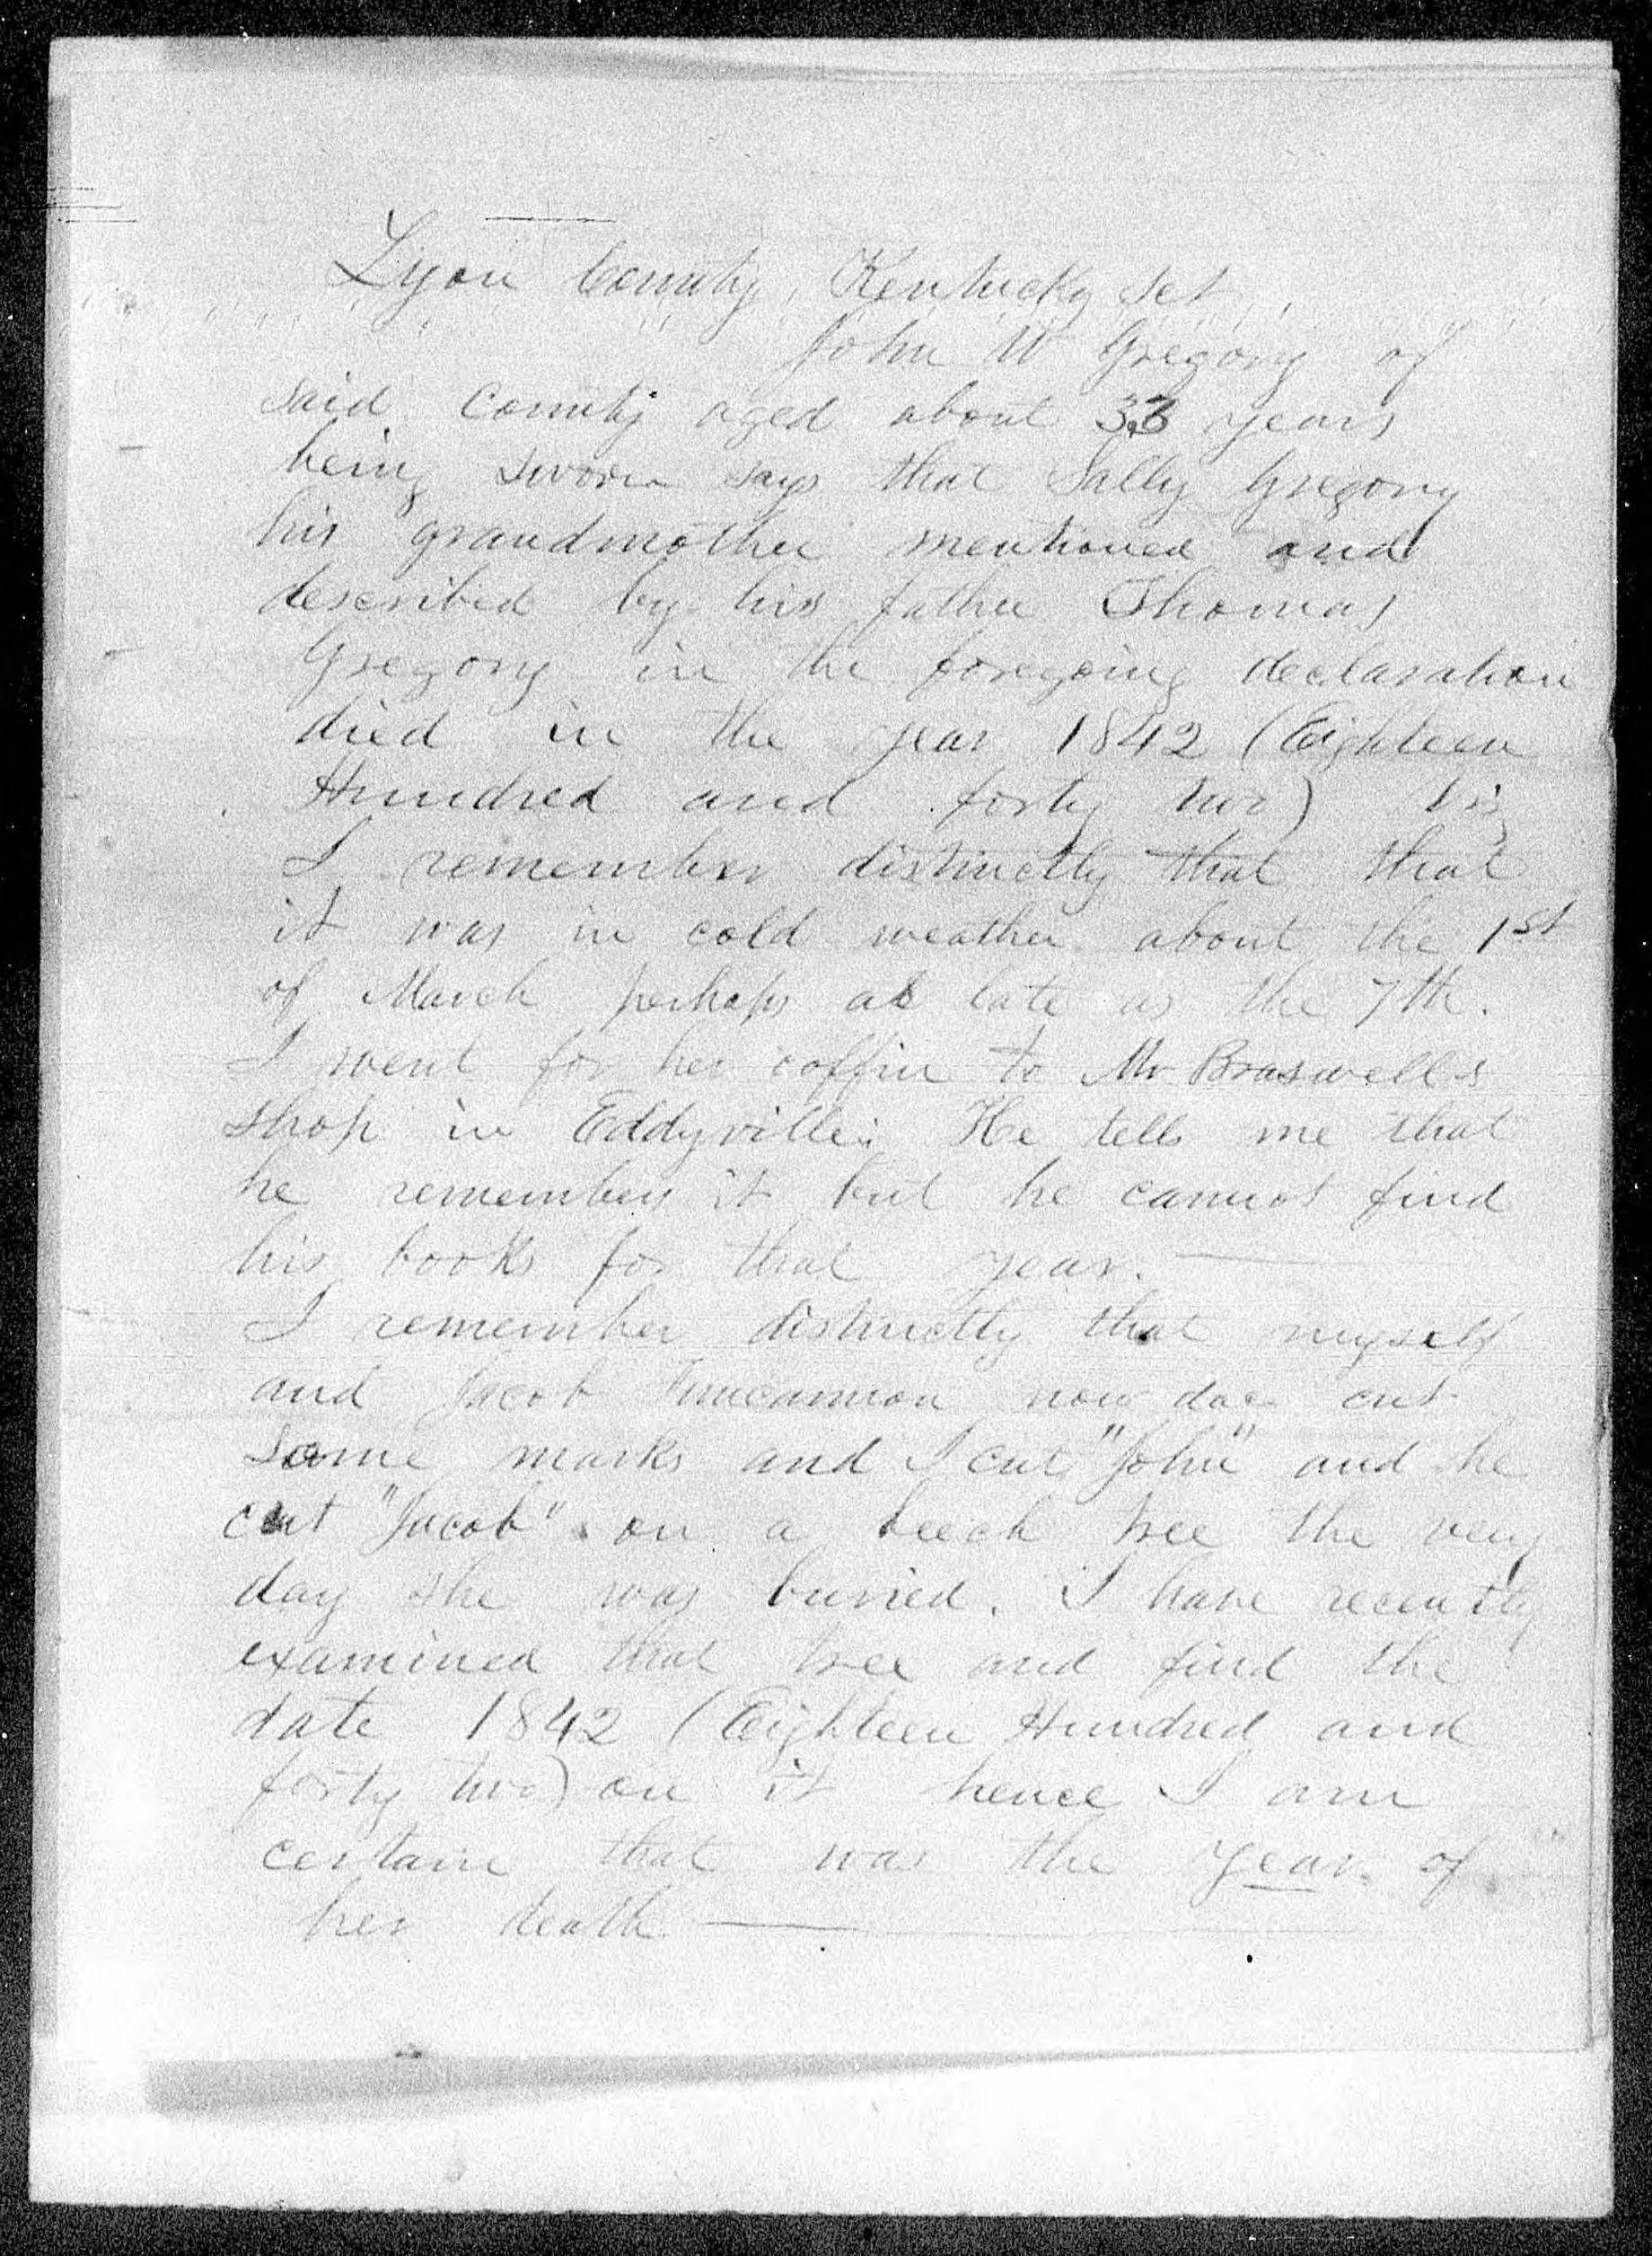Lyon County, Kentucky Sct
John W. Gregory of said county aged about 33 years being sworn says that Sally Gregory his grandmother mentioned and described by his father Thomas Gregory in the foregoing declaration died in the year 1842 (Eighteen Hundred and forty two) viz
I remember distinctly that that it was in cold weather about the 1st of March perhaps as late as the 7th. I went for her coffin to Mr Braswells Shop in Eddyville. He tells me that he remembers it but he cannot find his book for that year.
I remember distinctly that myself and Jacob Timcamron now dec. cut some marks and I cut "John" and he cut "Jacob" on a beech tree the very day she was buried.  I have recently examined that tree and find the date 1842 (Eighteen Hundred and forty two) on it hence I am certain that was the year of her death.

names: Braswell, Jacob, John W Gregory, Thomas Gregory, Sally Gregory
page: 59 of 75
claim: widow's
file: W. 8876, Thomas Gregory, Continental Va